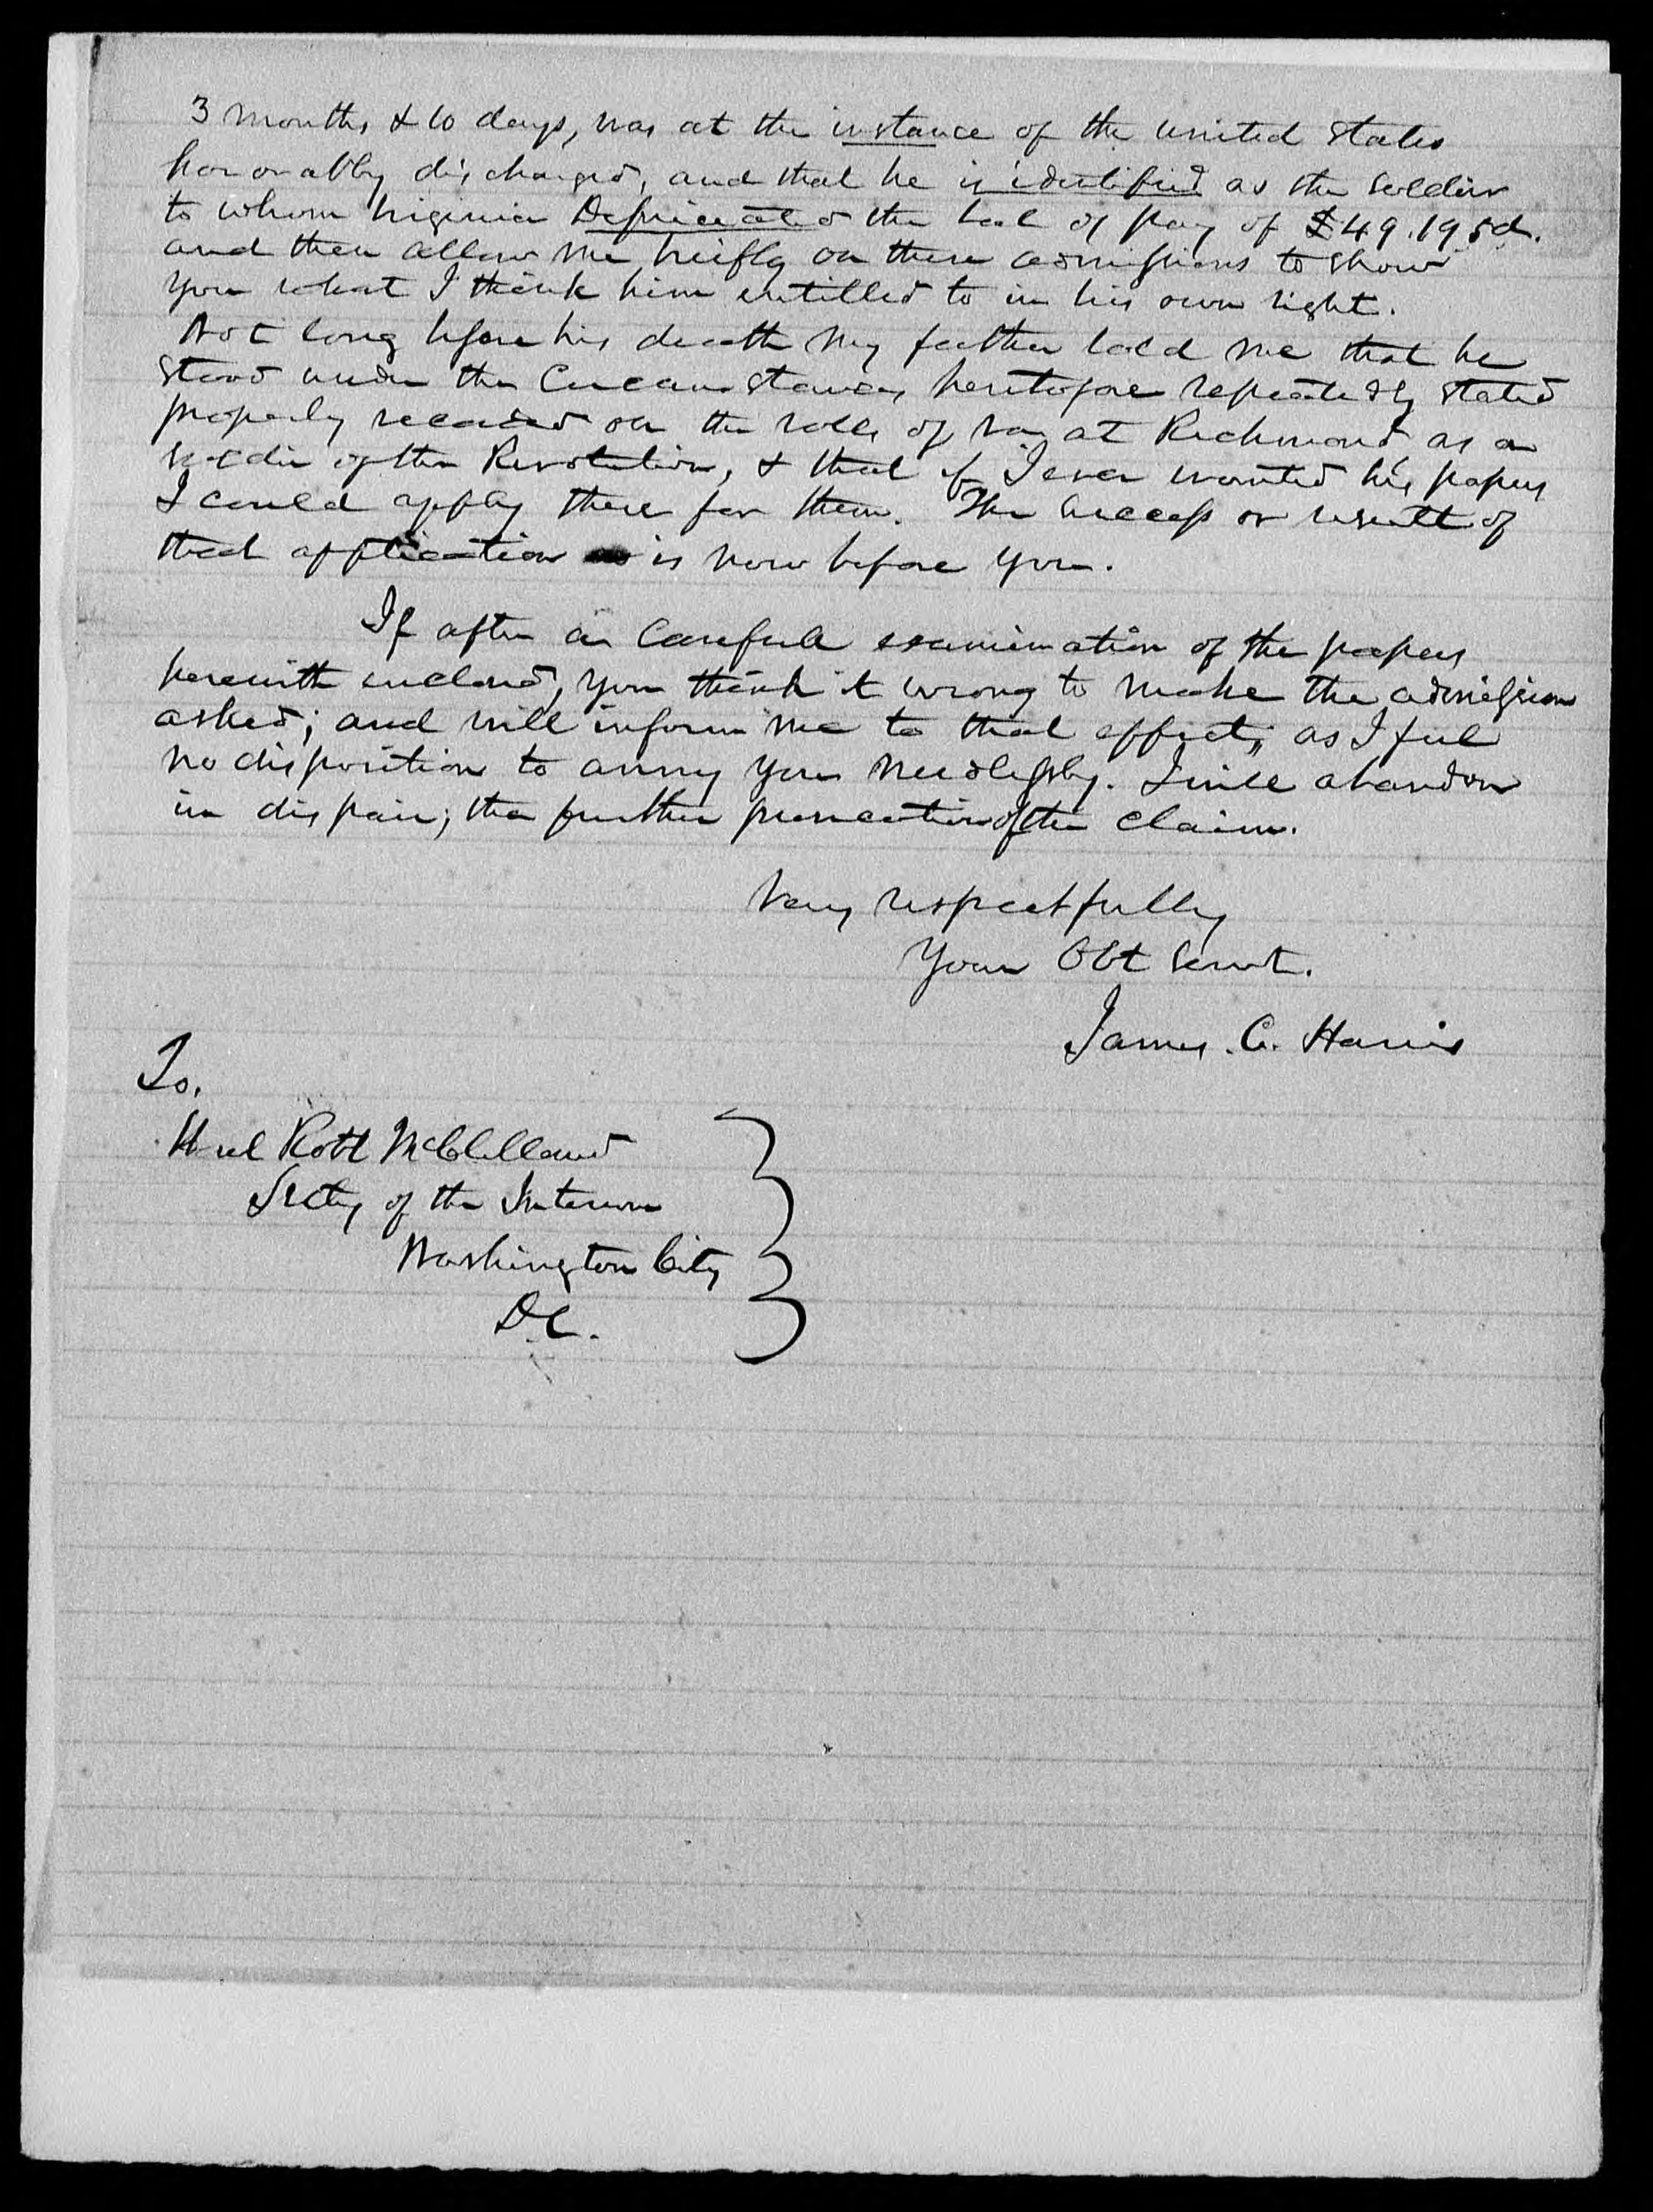3 months & 10 days, was at the instance of the United States honorably discharged, and that he is identified as the soldier to whom Virginia Depreciated the [?] of pay of [pound sterling]49.16.5d. and then allow me briefly on these commissions to show what I think him entitled to in his own right.
Not long before his death, my father told me that he stood under the circumstances heretofore repeatedly stated properly recorded on the rolls of Va at Richmond as a soldier of the Revolution, & that if I ever wanted his papers, I could apply there for them.  The success or result of that application is now before you.
If after a careful examination of the papers herewith enclosed, you think it wrong to make the admission asked, and will inform me to that effect, as I feel no disposition to annoy you needlessly, I will abandon in dispair [sic] the further prosecution of the claim.
Very respectfully
Your Obt Servt
James C. Harris
 To, Honl Robt McClelland
Secty of the Interior
Washington City
D.C.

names: Robt Mc Clelland, James C Harris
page: 75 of 160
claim: rejected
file: R. 4666, James Harris, Va.